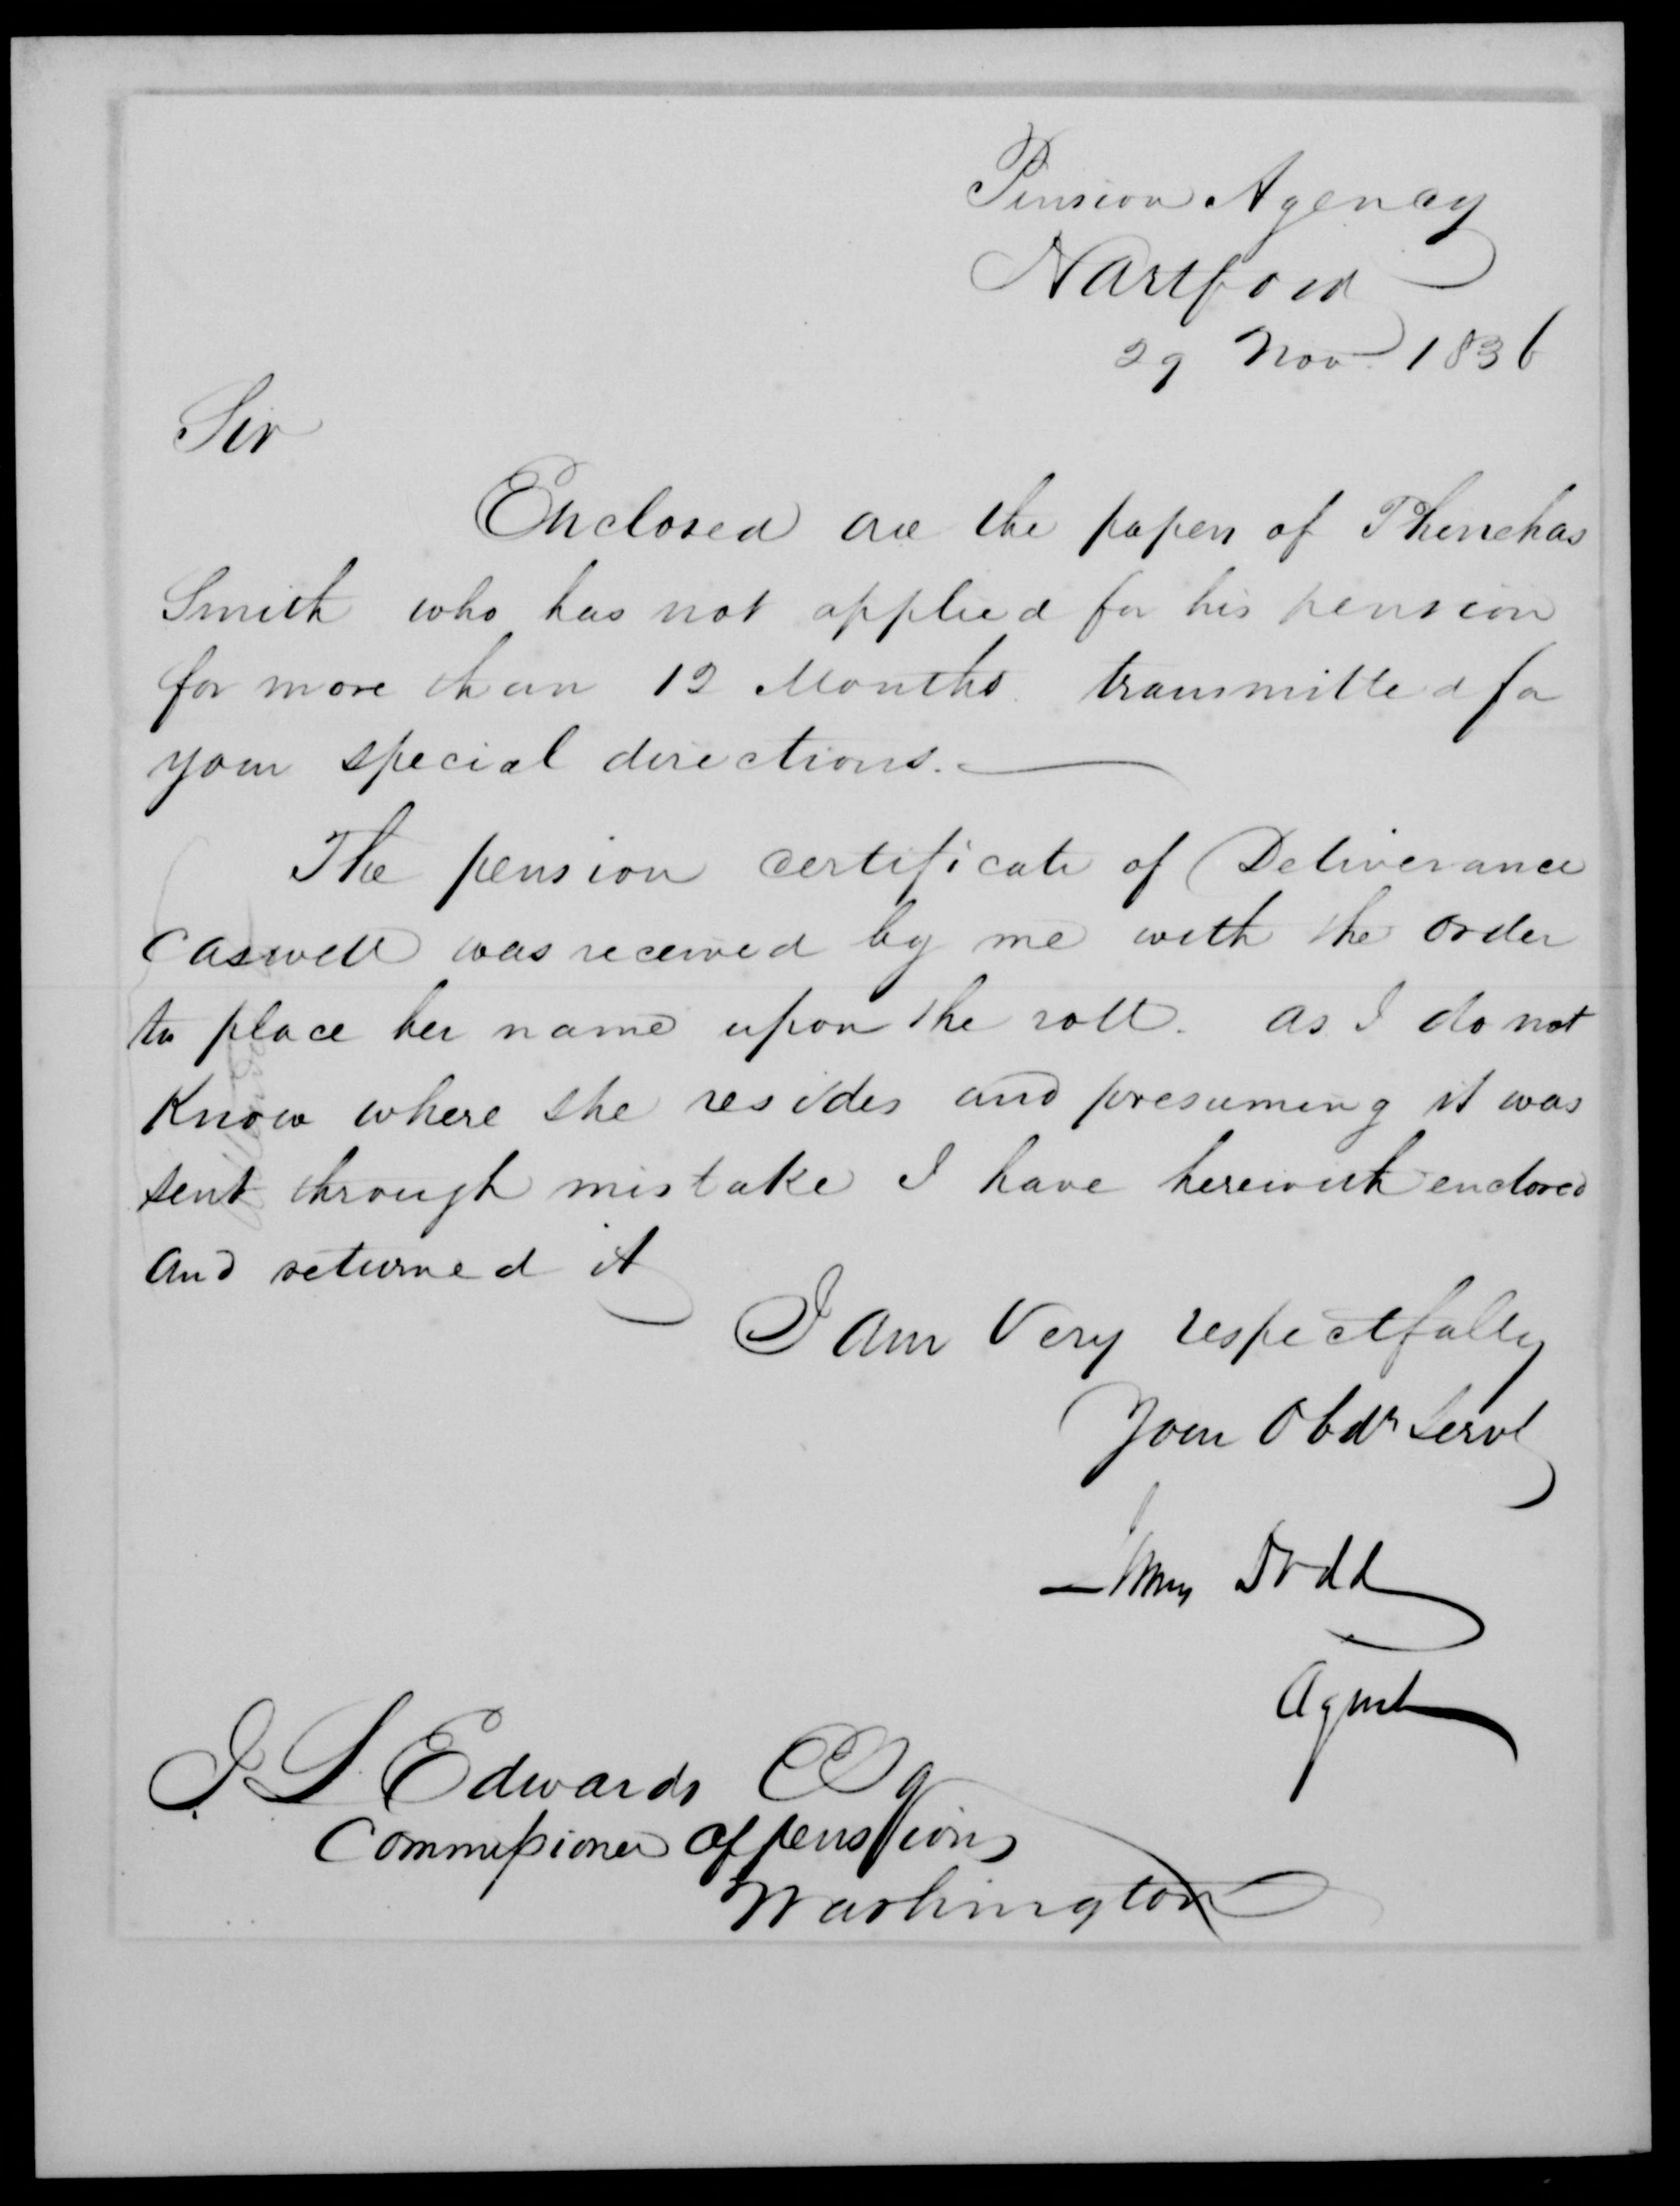Pension Agency 
Hartford 
29 Nov 1836 
Sir 
Enclosed are the papers of Phinehas Smith who has not applied for his pension for more than 12 months transmitted for your special directions. 
The pension certificate of Deliverance Caswell was received by me with the order to place her name upon the roll, as I do not know where she resides and presuming it was sent through mistake I have herewith enclosed and returned it.   
I am very respectfully Your Obd Servt 
James Dodd Agent
J. L.  Edwards Esq 
Commissioner of pemsions Washington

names: Deliverance Caswell; J L Edwards; Phinehas Smith; James Dodd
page: 36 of 55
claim: widow's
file: W. 11480, for Phinehas Smith, Connecticut